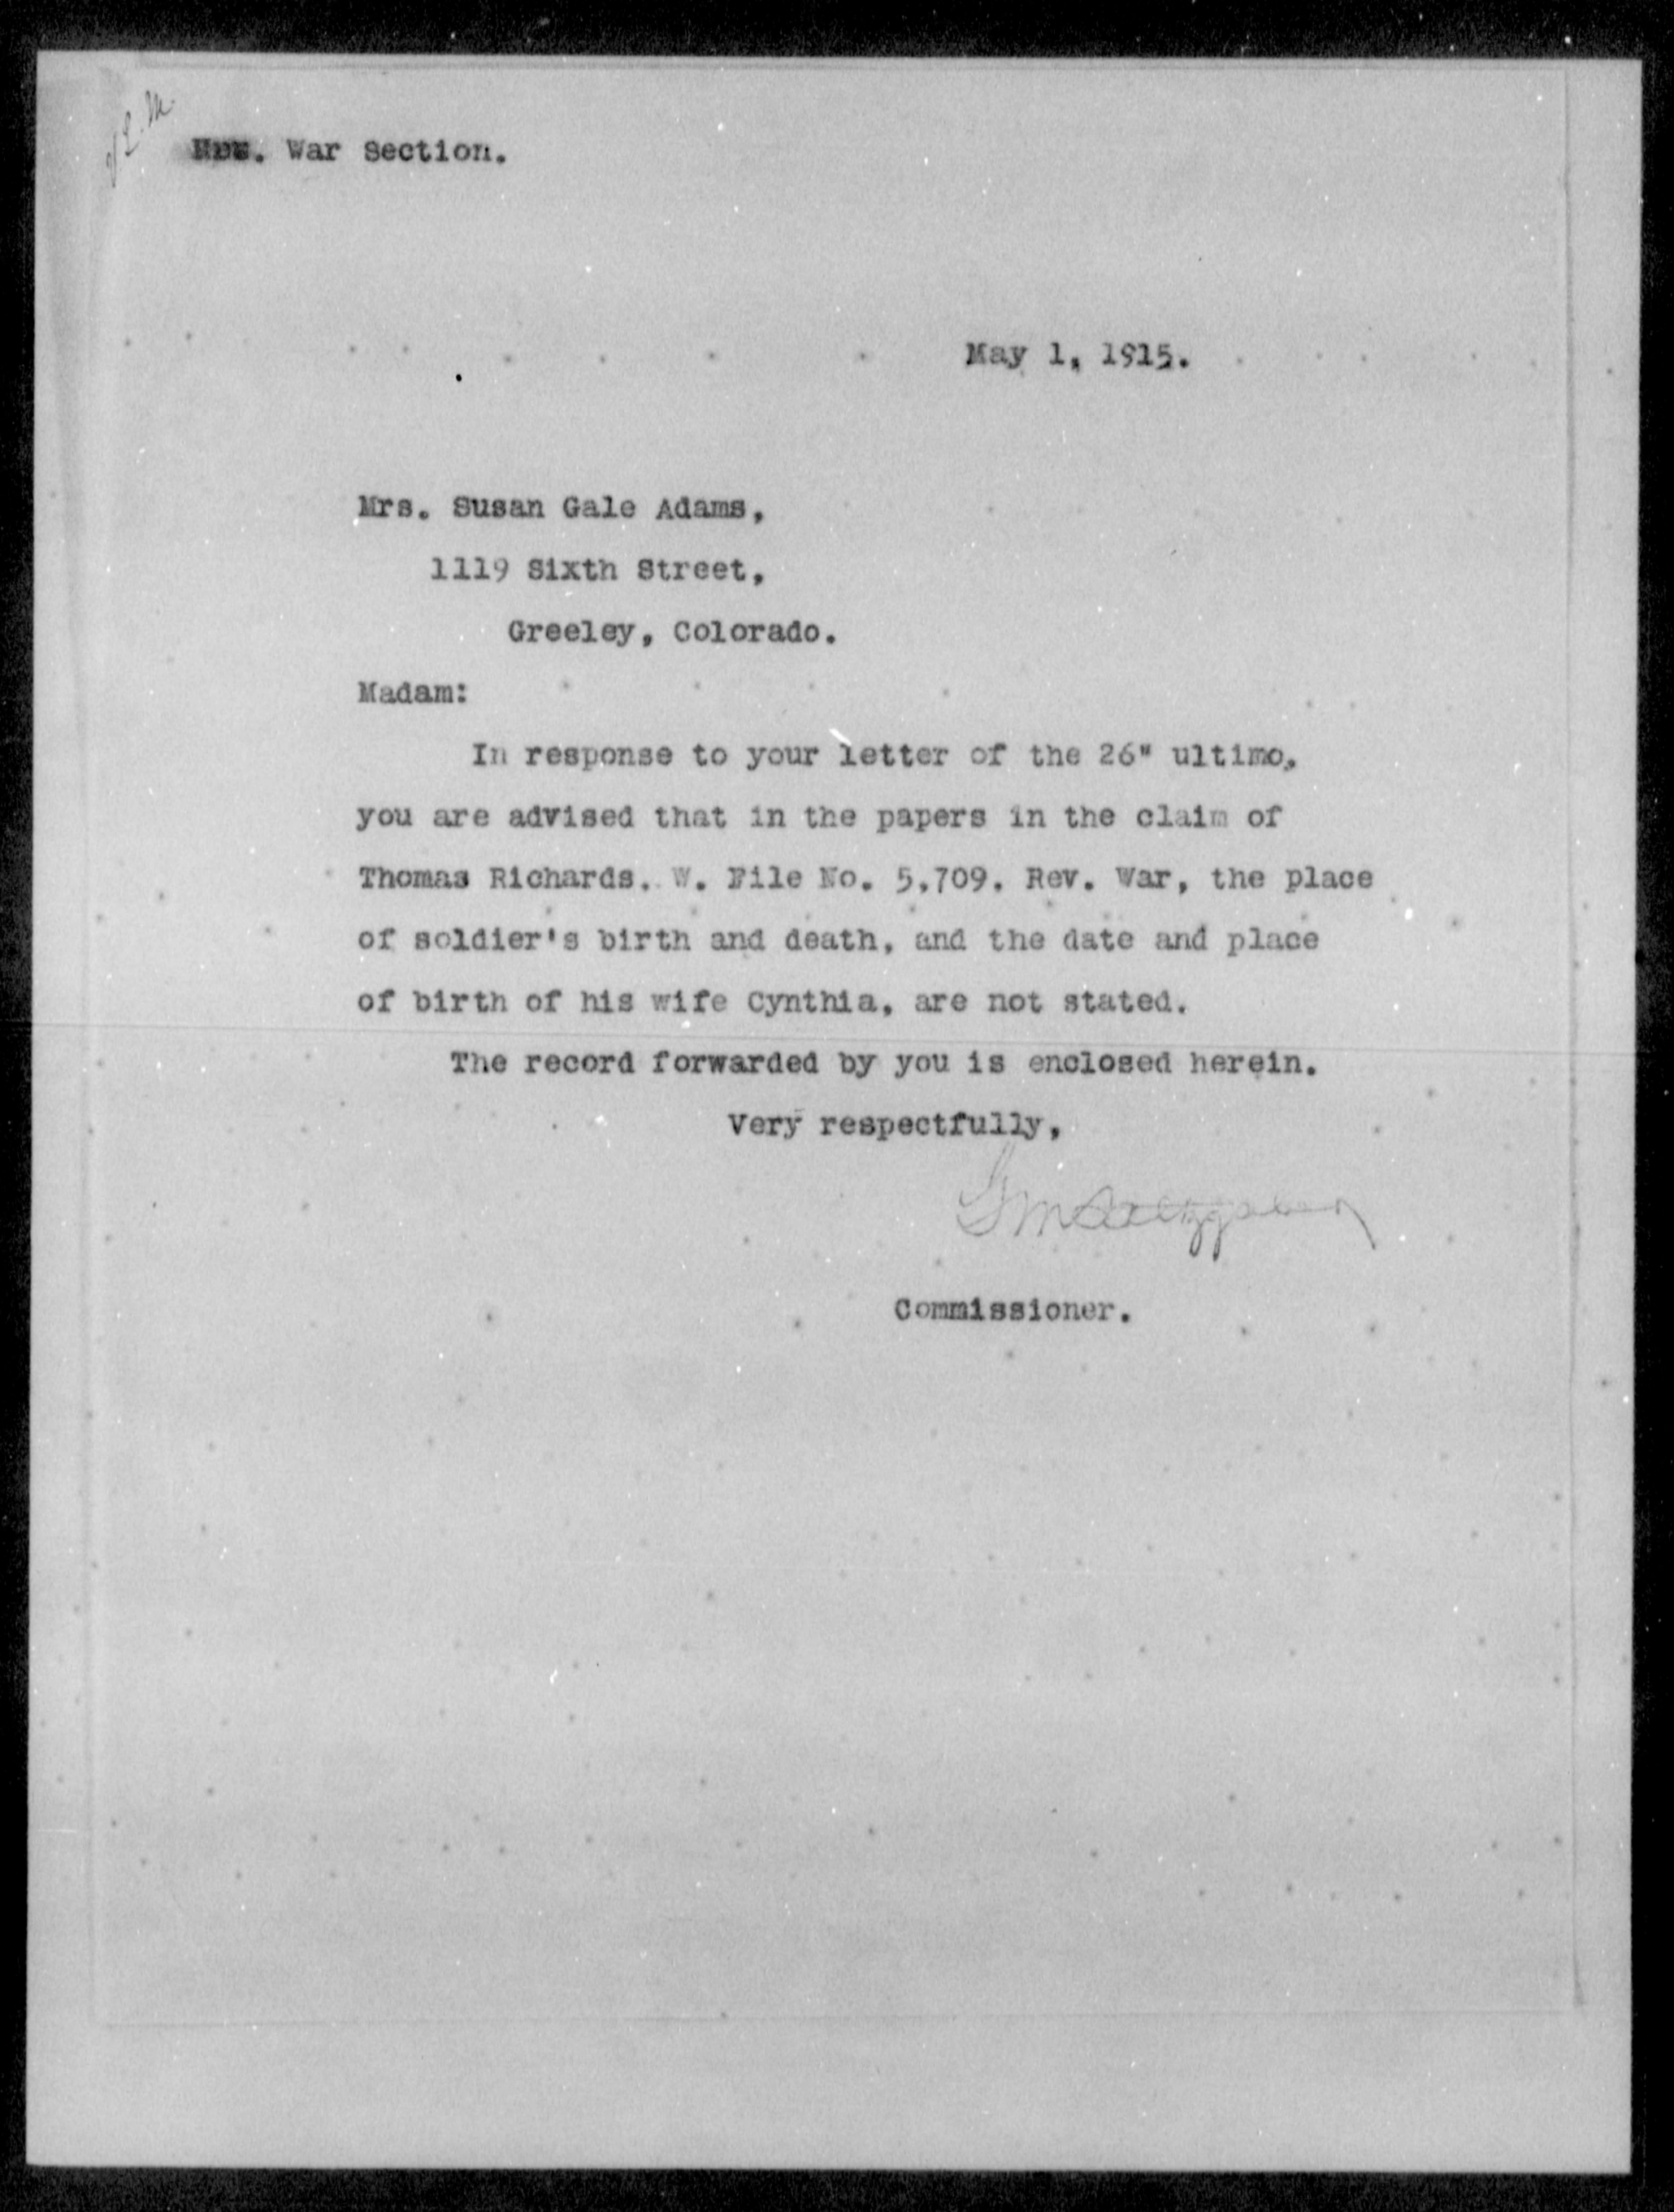V.L.M.
Rev. [REVOLUTIONARY] War Section.
May 1, 1915.
Mrs. Susan Gale Adams,
1119 Sixth Street.
Greeley, Colorado.
Madam:
In response to your letter of the 26th ultimo, [this month] you are advised that in the papers in the claim of Thomas Richards, W. File No. 5.709, Rev. War, the place of soldier's birth and death, and the date and place of birth of his wife Cynthia, are not stated.
The record forwarded by you is enclosed herein.
Very respectfully,
G M Saltzgaber
Commissioner.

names: Thomas Richards; G M Saltzgaber; Susan Gale Adams; Cynthia [BLANK]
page: 95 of 109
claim: widow's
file: W. 5709, for Thomas Richards, New Hampshire